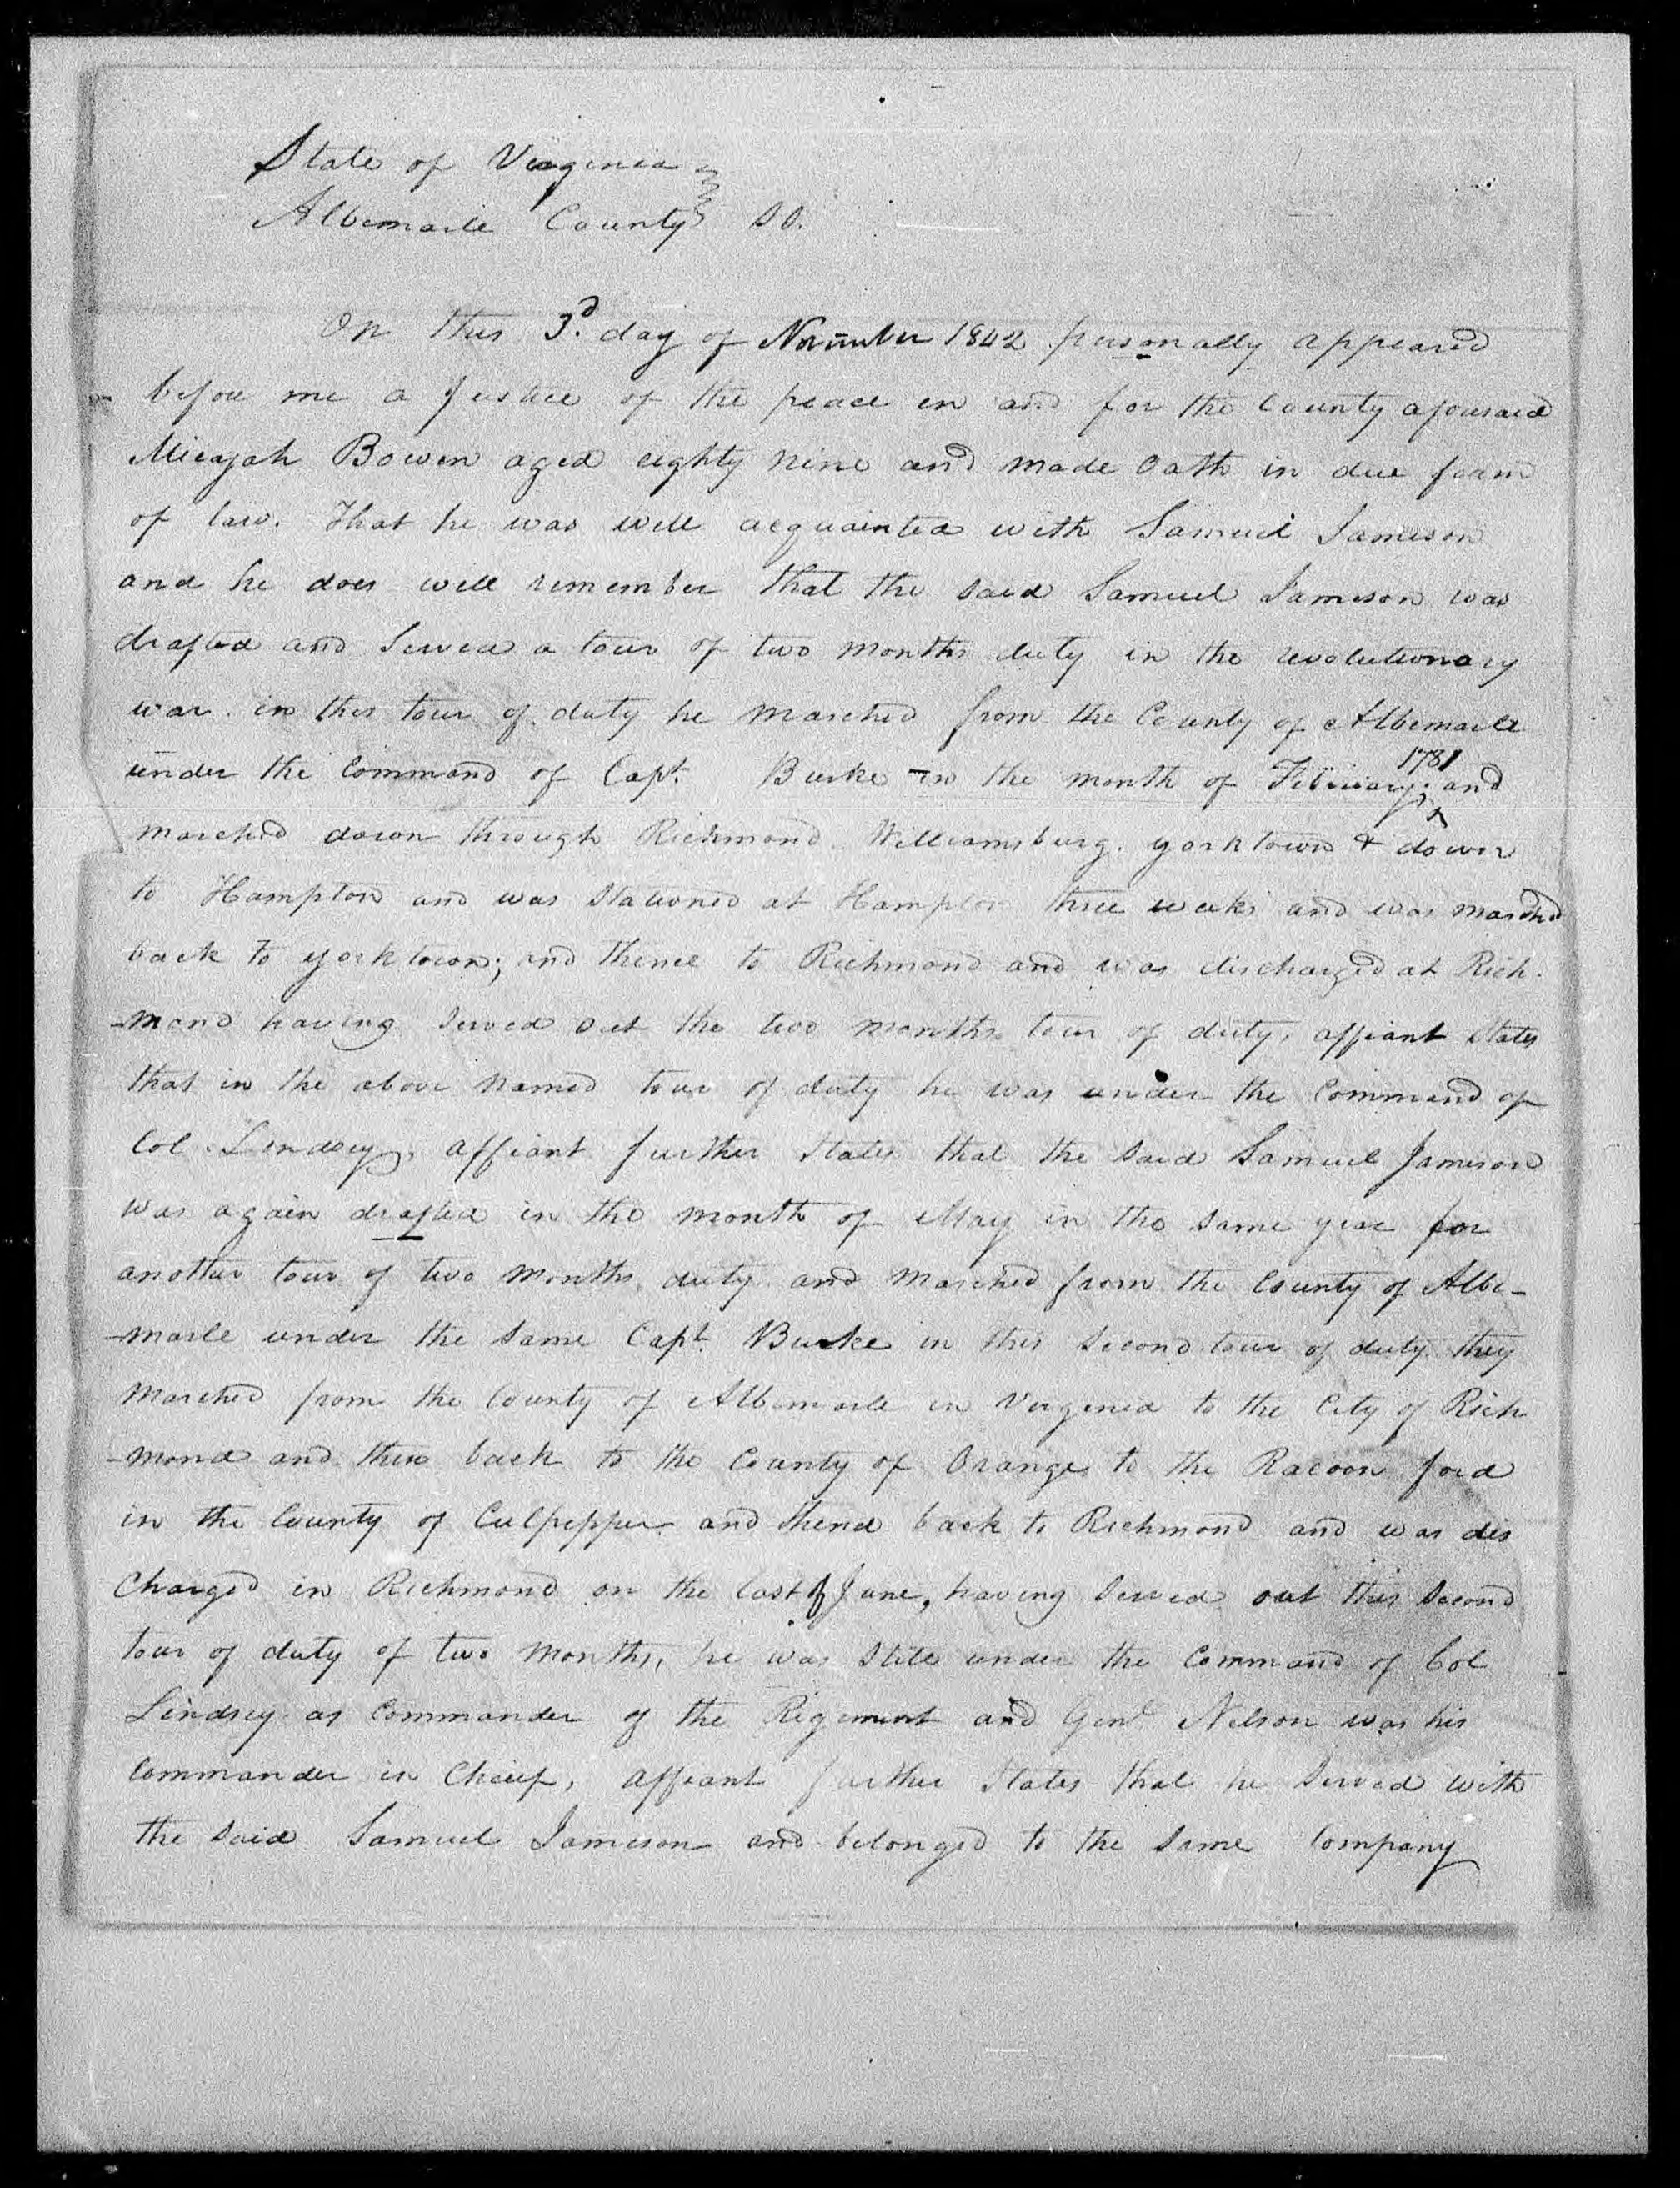State of Virginia
Albermarle County}ss.
  On this 3rd day of November 1802 personally appeared
before me a Justice of the peace in and for the county aforesaid
Micajah Bowen aged eighty nine and made oath in due form
of law.  That he was well acquainted with Samuel Jameson
and he does well remember that the said Samuel Jameson was
drafted and served a tour of two months duty in the revolutionary
war in this tour of duty he marched from the County of Albermarle
under the Command of Capt. Burke in the month of February 1781 and
marched down through Richmond, Williamsburg, Yorktown + down
to Hampton and was stationed at Hampton three weeks and was marched
back to Yorktown, and thence to Richmond and was discharged at Richmond
having served out the two months tour of duty, affiant states
that in the above named tour of duty he was under the Command of
Col. Lindsay, affiant further states that the said Samuel Jameson
was again drafted in the month of May in the same year for
another tour of two months duty and marched from the County of Albermarle
under the same Capt. Burke in this second tour of duty they
marched from the County of Albermarle in Virginia to the city of Richmond
and then back to the County of Orange to the Racoon ford
in the County of Culpepper and thence back to Richmond and was 
discharged in Richmond on the last of June, having served out this second
tour of duty of two months, he was still under the Command of Col.
Lindsay as Commander of the Regiment and Genl. Nelson was his
commander in Chief, affiant further states that he served with
the said Samuel Jameson and belonged to the same Company.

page: 22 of 28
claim: widow's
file: W. 5112, for Samuel Jamieson, Virginia